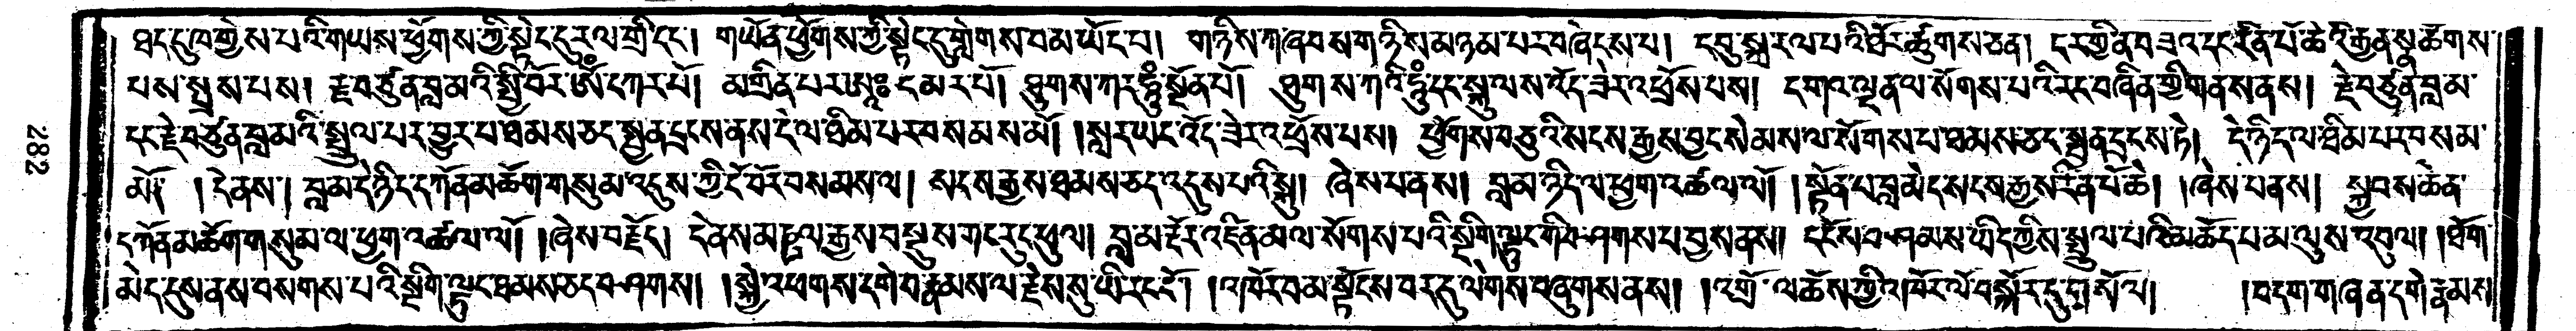ཐད་དུ་ཁ་གྱེས་པའི་གཡས་ཕྱོགས་ཀྱི་སྟེང་དུ་རལ་གྲི་དང་། གཡོན་ཕྱོགས་ཀྱི་སྟེང་དུ་གླེགས་བམ་ཡོང་པ། གཉིས་ཀ་ཞབས་གཉིས་མཉམ་པར་བཞེངས་པ། དབུ་སྐྲ་རལ་པའི་ཐོར་ཚུགས་ཅན། དར་གྱི་ན་བཟའ་དང་རིན་པོ་ཆེའི་རྒྱན་སྣ་ཚོགས་
པས་སྤྲས་པས། རྗེ་བཙུན་བླ་མའི་སྤྱི་བོར་ཨོཾ་དཀར་པོ། མགྲིན་པར་ཨཱཿ དམར་པོ། ཐུགས་ཀར་ཧཱུཾ་སྔོན་པོ། ཐུགས་ཀའི་ཧཱུཾ་དང་སྐུ་ལས་འོད་ཟེར་འཕྲོས་པས། དགའ་ལྡན་ལ་སོགས་པའི་རང་བཞིན་གྱི་གནས་ནས། རྗེ་བཙུན་བླ་མ་
དང་རྗེ་བཙུན་བླ་མའི་སྤྲུལ་པར་བྱུར་པ་ཐམས་ཅད་སྤྱན་དྲངས་ནས་དེ་ལ་ཐིམ་པར་བསམས་མོ། །སླར་ཡང་འོད་ཟེར་འཕྲོས་པས། ཕྱོགས་བཅུའི་སངས་རྒྱས་བྱང་སེམས་ལ་སོགས་པ་ཐམས་ཅད་སྤྱན་དྲངས་ཏེ། དེ་ཉིད་ལ་ཐིམ་པར་བསམ་
མོ༑ །དེ་ནས། བླ་མ་དེ་ཉིད་དཀོན་མཆོག་གསུམ་འདུས་ཀྱི་ངོ་བོར་བསམས་ལ། སངས་རྒྱས་ཐམས་ཅད་འདུས་པའི་སྐུ། ཞེས་པ་ནས། བླ་མ་ཉིད་ལ་ཕྱག་འཚལ་ལོ། །སྟོན་པ་བླ་མེད་སངས་རྒྱས་རིན་པོ་ཆེ། །ཞེས་པ་ནས། སྐྱབས་ཆེན་
དཀོན་མཆོག་གསུམ་ལ་ཕྱག་འཚལ་ལོ། །ཞེས་བརྗོད། དེ་ནས་མཎྜལ་རྒྱས་བསྡུས་གང་རུང་ཕུལ། བླ་མ་རྡོར་འཛིན་མལ་སོགས་པའི་སྡིག་ལྟུང་གི་བཤགས་པ་བྱས་ནས། དངོས་བཤམས་ཡིད་ཀྱིས་སྤྲུལ་པའི་མཆོད་པ་མ་ལུས་འབུལ། །ཐོག་
མེད་དུས་ནས་བསགས་པའི་སྡིག་ལྟུང་ཐམས་ཅད་བཤགས། །སྐྱེ་འཕགས་དགེ་བ་རྣམས་ལ་རྗེས་སུ་ཡི་རང་ངོ། །འཁོར་བ་མ་སྟོངས་བར་དུ་ལེགས་བཞུགས་ནས། །འགྲོ་ལ་ཆོས་ཀྱི་འཁོར་ལོ་བསྐོར་དུ་གསོལ། །བདག་གཞན་དགེ་རྣམས་